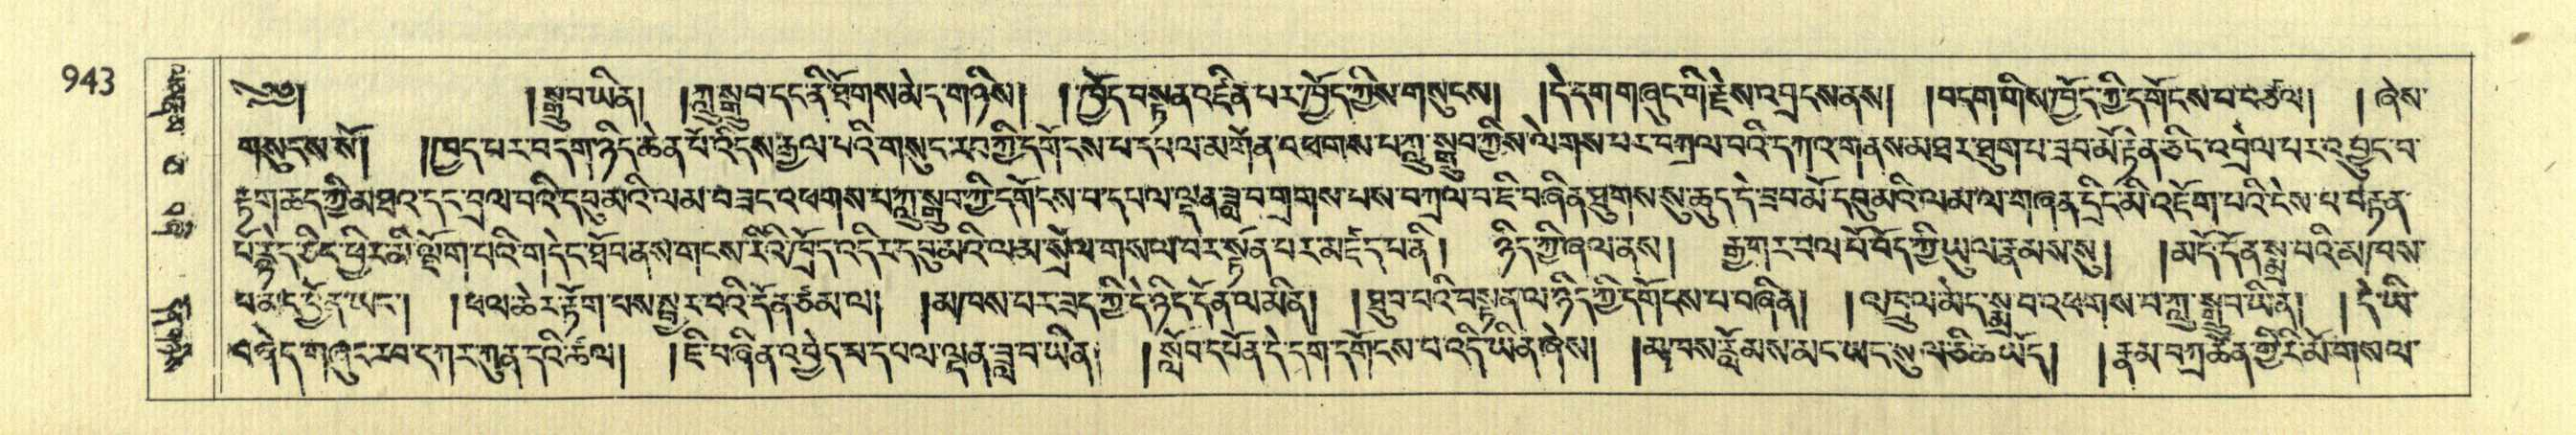༄༅། །སྒྲུབ་ཡིན། །ཀླུ་སྒྲུབ་དང་ནི་ཐོགས་མེད་གཉིས། །ཁྱོད་བསྟན་འཛིན་པར་ཁྱོད་ཀྱིས་གསུངས། །དེ་དག་གཞུང་གི་རྗེས་འབྲངས་ནས། །བདག་གིས་ཁྱོད་ཀྱི་དགོངས་པ་བཙལ། །ཞེས་
གསུངས་སོ། །ཁྱད་པར་བདག་ཉིད་ཆེན་པོ་འདིས་རྒྱལ་པའི་གསུང་རབ་ཀྱི་དགོངས་པ་དཔལ་མགོན་འཕགས་པ་ཀླུ་སྒྲུབ་ཀྱིས་ལེགས་པར་བཀྲལ་བའི་དཀའ་གནས་མཐར་ཐུག་པ་ཟབ་མོ་རྟེན་ཅིང་འབྲེལ་པར་འབྱུང་བ་
རྟག་ཆད་ཀྱི་མཐའ་དང་བྲལ་བའི་དབུ་མའི་ལམ་བཟང་འཕགས་པ་ཀླུ་སྒྲུབ་ཀྱི་དགོངས་པ་དཔལ་ལྡན་ཟླ་བ་གྲགས་པས་བཀྲལ་བ་ཇི་བཞིན་ཐུགས་སུ་ཆུད་དེ་ཟབ་མོ་དབུ་མའི་ལམ་ལ་གཞན་དྲིང་མི་འཇོག་པའི་ངེས་པ་བརྟན་
པོ་རྙེད་ཅིང་ཕྱིར་མི་ལྡོག་པའི་གདེང་ཐོབ་ནས་གངས་རིའི་ཁྲོད་འདིར་དབུ་མའི་ལམ་སྲོལ་གསལ་བར་སྟོན་པར་མཛད་པ་ནི། ཉིད་ཀྱི་ཞལ་ནས། རྒྱ་གར་བལ་པོ་བོད་ཀྱི་ཡུལ་རྣམས་སུ། །མདོ་དོན་སྨྲ་བའི་མཁས་
པ་མང་བྱོན་ཡང་། །ཕལ་ཆེར་རྟོག་པས་སྦྱར་བའི་དོན་ཙམ་ལ། །མཁས་པར་ཟད་ཀྱི་དེ་ཉིད་དོན་ལ་མིན། །ཐུབ་པའི་བསྟན་ལ་ཉིད་ཀྱི་དགོངས་པ་བཞིན། །འཁྲུལ་མེད་སྨྲ་བ་འཕགས་བ་ཀླུ་སྒྲུབ་ཡིན། །དེ་ཡི་
བཞེད་གཞུང་རབ་དཀར་ཀུན་དའི་ཚལ། །ཇི་བཞིན་འབྱེད་པ་དཔལ་ལྡན་ཟླ་བ་ཡིན། །སློབ་དཔོན་དེ་དག་དགོངས་པ་འདི་ཡིན་ཞེས། །མཁས་རློམས་མང་ཡང་སུ་ལ་ཅི་ཆ་ཡོད། །རྣམ་བཀྲ་ཆེན་གྱི་རི་མོ་གསལ་